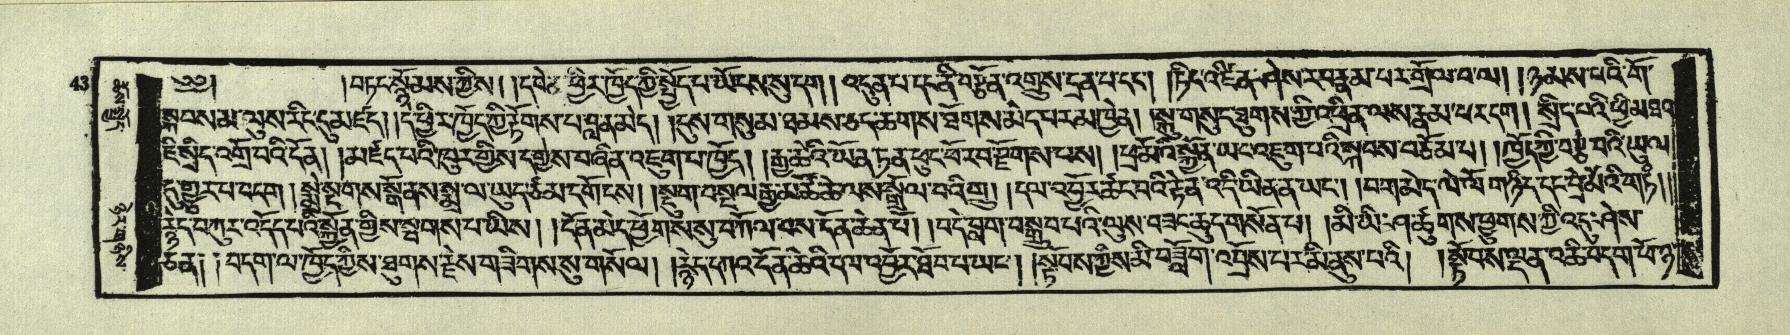༄༅། །བཏང་སྙོམས་ཀྱིས། །དབེན་ཕྱིར་ཁྱོད་ཀྱི་སྤྱོད་པ་ཡོངས་སུ་དག །འདུན་པ་དང་ནི་བརྩོན་འགྲུས་དྲན་པ་དང་། །ཏིང་འཛིན་ཤེས་རབ་རྣམ་པར་གྲོལ་བ་ལ། །ཉམས་པའི་གོ་
སྐབས་མ་ལུས་རིང་དུ་མཛད། །དེ་ཕྱིར་ཁྱོད་ཀྱི་རྟོགས་པ་བླ་ན་མེད། །དུས་གསུམ་ཐམས་ཅད་ཆགས་ཐོགས་མེད་པར་མཁྱེན། །སྐུ་གསུང་ཐུགས་ཀྱི་འཕྲིན་ལས་རྣམ་པར་དག ། སྲིད་པའི་ཕྱི་མཐའ་
ཇི་སྲིད་འགྲོ་བའི་དོན། །མཛད་པའི་ཁུར་གྱིས་དགྱེས་བཞིན་འཇུག་པ་ཁྱོད། །རྒྱ་ཆེའི་ཡོན་ཏན་ཕུང་ཕོ་རབ་རྫོགས་པས། །ཕྲ་མོའི་སྐྱོན་ཡང་འཇུག་པའི་སྐབས་བཅོམ་པ། །ཁྱོད་ཀྱི་བརྩེ་བའི་ཡུལ་
དུ་གྱུར་པ་བདག །སྨྲེ་སྔགས་སྒོ་ནས་སྨྲ་ལ་ཡུད་ཙམ་དགོངས། །སྡུག་བསྔལ་རྒྱ་མཚོ་ཆེ་ལས་སྒྲོལ་བའི་གྲུ། །དལ་འབྱོར་ཚང་བའི་རྟེན་འདི་ཡིན་ན་ཡང་། །བག་མེད་ལེ་ལོ་གཉིད་དང་བྲེ་མོའི་གཏམ།།
རྙེད་བཀུར་འདོད་པའི་སྐྱོན་གྱིས་སྤགས་པ་ཡིས། །དོན་མེད་ཕྱོགས་སུ་བཀོལ་བས་དོན་ཆེན་པོ། །བདེ་བླག་བསྒྲུབ་པའི་ལུས་བཟང་ཆུད་གསོན་པ། །མི་ཡི་ཤ་ཚུགས་ཕྱུགས་ཀྱི་འདུ་ཤེས་
ཅན། །བདག་ལ་ཁྱོད་ཀྱིས་ཐུགས་རྗེས་གཟིགས་སུ་གསོལ། །རྙེད་དཀའ་དོན་ཆེའི་དལ་འབྱོར་ཐོབ་པ་ཡང་། །སྟོབས་ཀྱིས་མི་བཟློག་འབྲོས་པར་མི་ནུས་པའི། །སྟོབས་ལྡན་འཆི་བདག་ཕོ་ཉ་